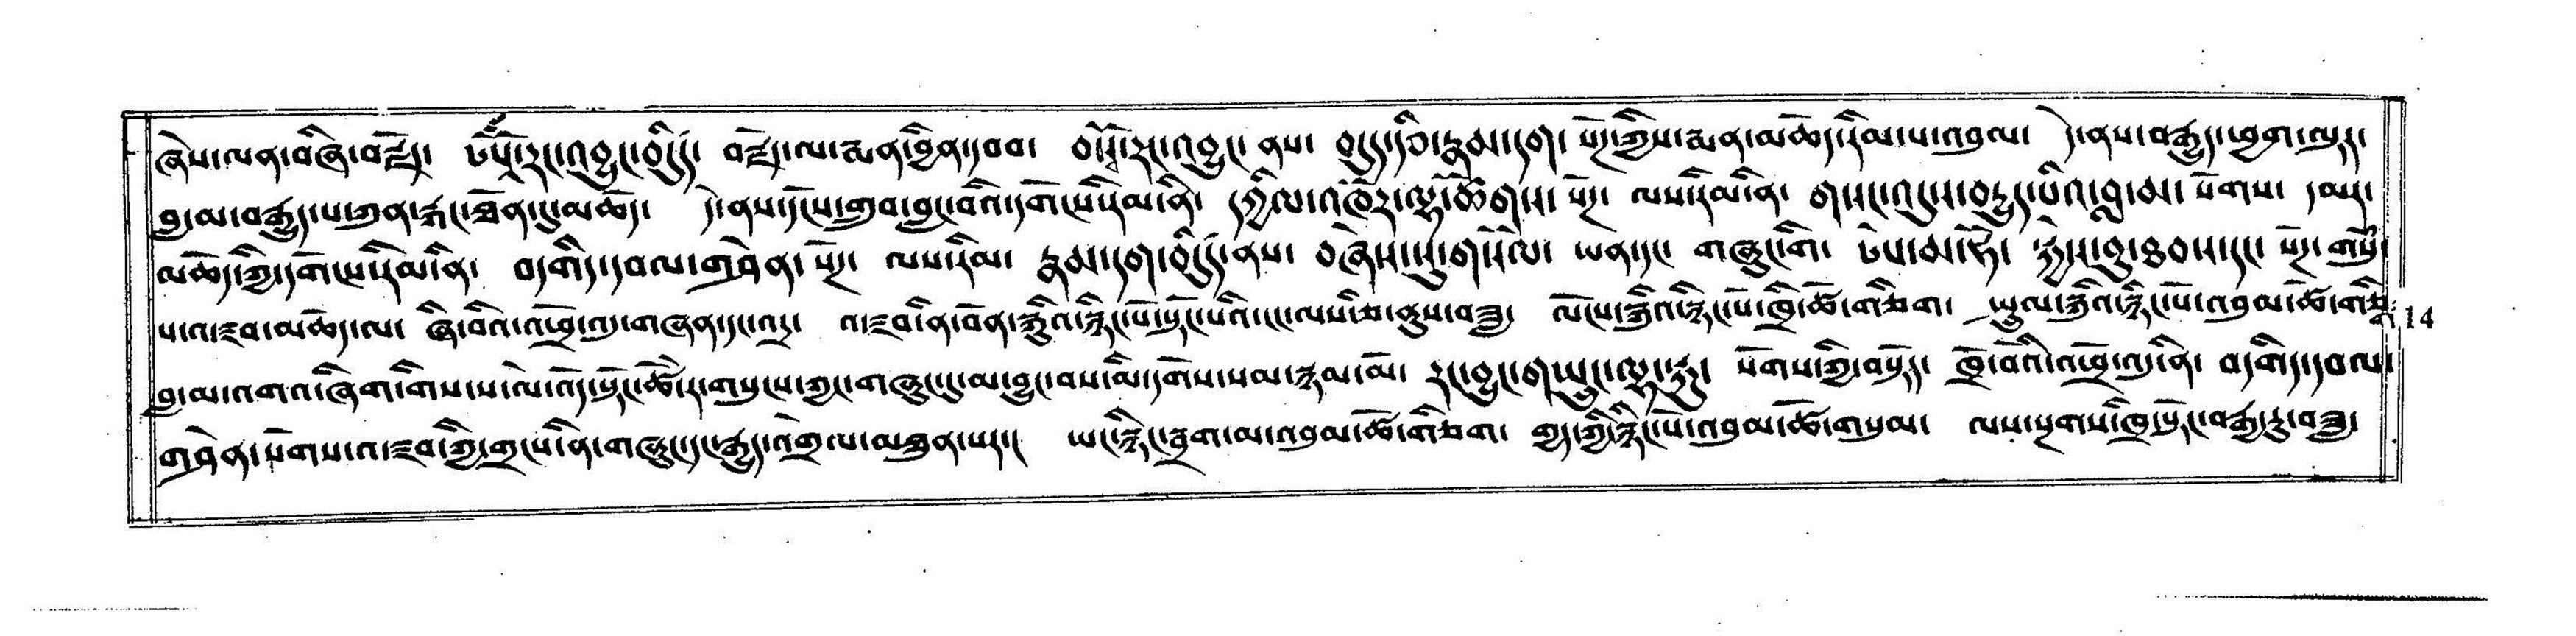ཞེས་ལན་བཞི་བརྗོད་ཨཱོཾ་རང་འབྱུང་བདུད་རྩི་བརྗོད་ལ་སྨན་བྱིན་དབབ་བསྭོ་རང་འབྱུང་ནས་བདུད་རྩི་རྣམ་དག་སོགས་ཀྱིས་སྨན་མཆོད་རིམ་པ་འབུལ་དེ་ནས་བརྒྱུད་ཕྱག་ལྟར་
བླ་མ་བརྒྱུད་པ་ཀུན་རྐང་ཐོན་དུ་མཆོད་དེ་ནས་དངོས་གྲུབ་བླང་བའི་དགོངས་རིམ་ནི་དཀྱིལ་འཁོར་ལྷ་ཚོགས་སོགས་ལས་རིམ་ནི་གསང་འདུས་བརྒྱུད་པའི་བླ་མ་སོགས་དམར་
མཆོད་ཀྱི་དགོངས་རིམ་ནི་བདག་ཉིད་དབལ་གཤེན་སོགས་ལས་རིམ་རྣམ་དག་བདུད་རྩི་ནས་བཞེས་སུ་གསོལ་ཡན་དང་གཞུང་གི་ཨེ་མ་ཧོ་སྐྱེས་བུ་ཐབས་དང་སོགས་གསུམ་
པ་འཛབ་མཆོད་ལ་ཞི་བའི་འཕྲོ་འདུ་གཞན་དང་འདྲ་འཛབ་ནི་བོན་སྐུའི་སྙིང་པོ་སྟོང་པའི་ངང་ལས་ཅི་ནུས་བཟླ་ལོངས་སྐུའི་སྙིང་པོ་ཁྲི་ཚོ་གཅིག སྤྲུལ་སྐུའི་སྙིང་པོ་འབུམ་ཚོ་གཅིག་
བླ་མ་འགའ་ཞིག་གིས་ས་ལེ་འོད་སྟོང་ཚོ་རེ་གསུངས་ཀྱང་གཞུང་དུ་མ་བྱུང་བས་མི་དགོས་སམ་སྙམ་མོ་རང་བྱུང་གཡུང་དྲུང་ལྷ་སྐུ་སོགས་ཀྱི་བསྟོད་ཁྲོ་བོའི་འཕྲོ་འདུ་ནི་བདག་ཉིད་དབལ་
གཤེན་སོགས་འཛབ་ཀྱི་གྲངས་ནི་གཞུང་དང་རྒྱུད་འགྲེལ་མཐུན་པར། ཡང་སྙིང་སྦྲག་མ་འབུམ་ཚོ་གཅིག་གྱད་ཀྱི་སྙིང་པོ་འབུམ་ཚོ་གསུམ་ལས་སྔགས་ཁྲི་སྟོང་བརྒྱ་རུ་བཟླ་